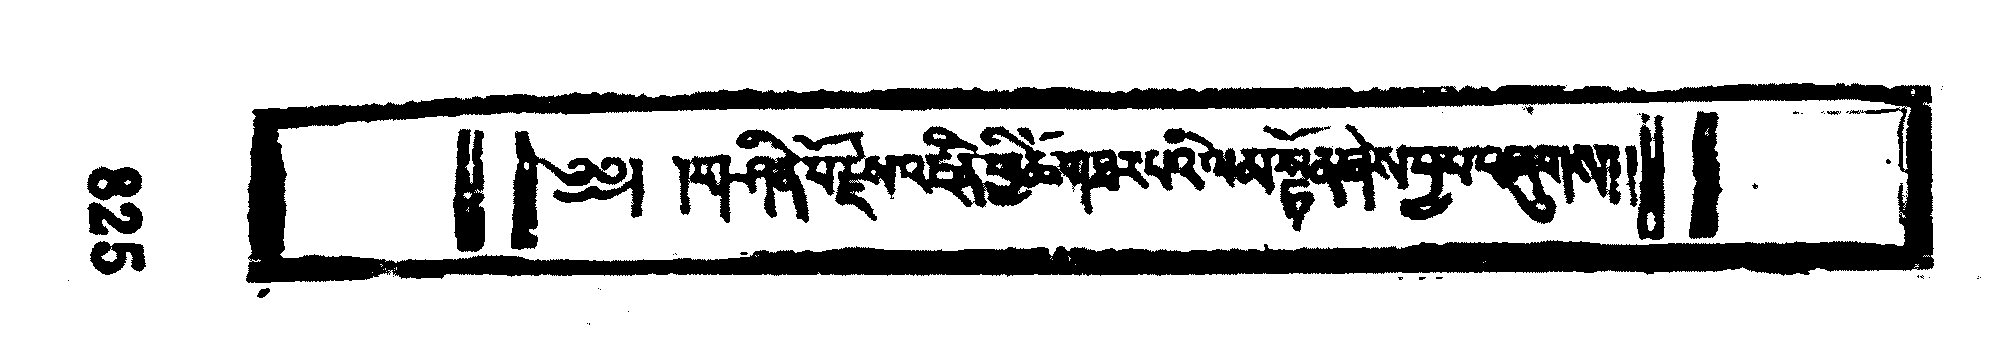༄༅། །གཤིན་པོ་རྗེས་འཛིན་གྱི་ཆོ་ག་ཐར་པའི་ལམ་སྟོན་ཞེས་བྱ་བ་བཞུགས།།